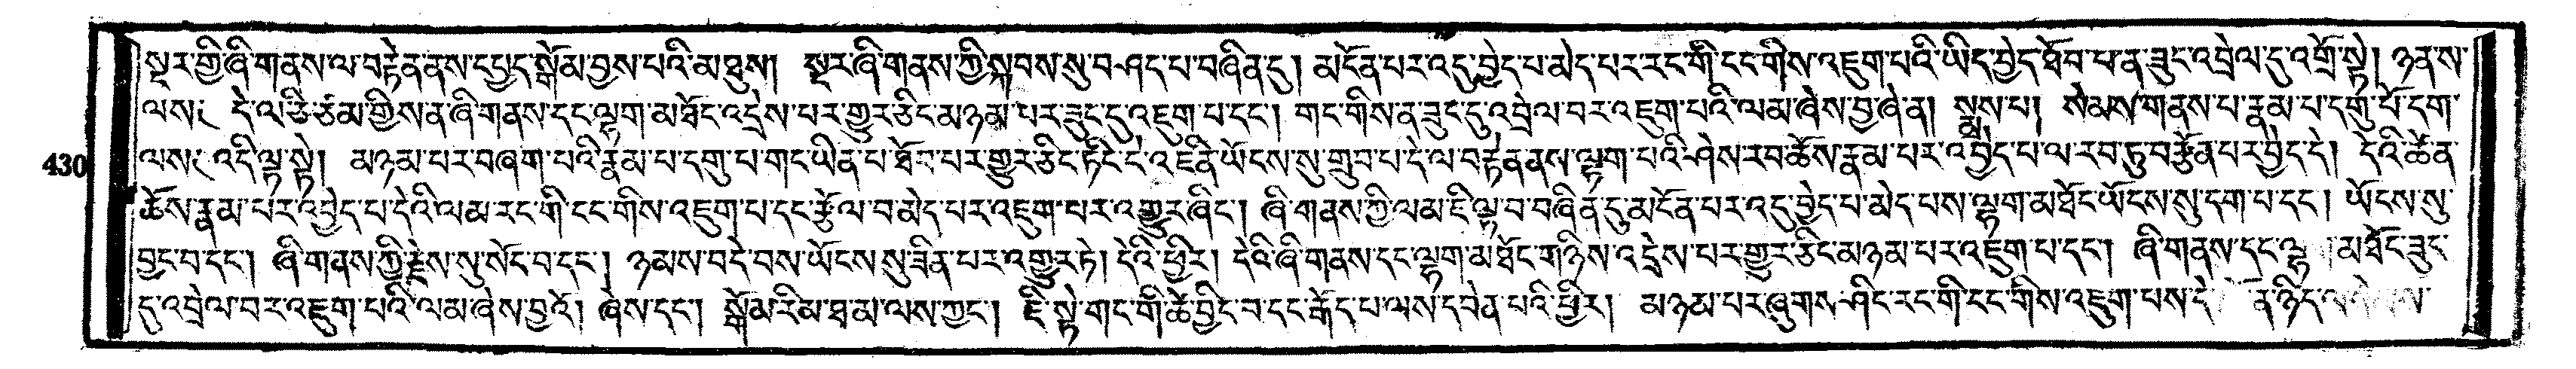ལྔར་གྱི་གནས་ལ་བརྟེན་ནས་དཔྱད་སྒོམ་བྱས་པའི་མཐུས། སྔར་ཞི་གནས་ཀྱི་སྐབས་སུ་བཤད་པ་བཞིན་དུ། མངོན་པར་འདུ་བྱེད་པ་མེད་པར་རང་གི་ངང་གིས་འཇུག་པའི་ཡིད་བྱེད་ཐོབ་པ་ན་ཟུང་འབྲེལ་དུ་འགྲོ་སྟེ། ཉན་ས་
ལས༑ དེ་ལ་ཅི་ཙམ་གྱིས་ན་ཞི་གནས་དང་ལྷག་མཐོང་འདྲེས་པར་གྱུར་ཅིང་མཉམ་པར་ཟུང་དུ་འཇུག་པ་དང་། གང་གིས་ན་ཟུང་དུ་འབྲེལ་བར་འཇུག་པའི་ལམ་ཞེས་བྱ་ཞེ་ན། སྨྲས་པ། སེམས་གནས་པ་རྣམ་པ་དགུ་པོ་དག་
ལས༑ འདི་ལྟ་སྟེ། མཉམ་པར་བཞག་པའི་རྣམ་པ་དགུ་པ་གང་ཡིན་པ་ཐོབ་པར་གྱུར་ཅིང་ཏིང་ངེ་འཛིན་ཡོངས་སུ་གྲུབ་པ་དེ་ལ་བརྟེན་ནས་ལྷག་པའི་ཤེས་རབ་ཆོས་རྣམ་པར་འབྱེད་པ་ལ་རབ་ཏུ་བརྩོན་པར་བྱེད་དེ། དེའི་ཚེ་ན་
ཆོས་རྣམ་པར་འབྱེད་པ་དེའི་ལམ་རང་གི་ངང་གིས་འཇུག་པར་དང་རྩོལ་བ་མེད་པར་འཇུག་པར་འགྱུར་ཞིང་། ཞི་གནས་ཀྱི་ལམ་ཇི་ལྟ་བ་བཞིན་དུ་མངོན་པར་འདུ་བྱེད་པ་མེད་པས་ལྷག་མཐོང་ཡོངས་སུ་དག་པ་དང་། ཡོངས་སུ་
བྱང་བ་དང་། ཞི་གནས་ཀྱི་རྗེས་སུ་སོང་བ་དང་། ཉམས་བདེ་བས་ཡོངས་སུ་ཟིན་པར་འགྱུར་ཏེ། དེའི་ཕྱིར། དེའི་ཞི་གནས་དང་ལྷག་མཐོང་གཉིས་འདྲེས་པར་གྱུར་ཅུང་མཉམ་པར་འཇུག་པ་དང་། ཞི་གནས་དང་ལྷག་མཐོང་ཟུང་
དུ་འབྲེལ་བར་འཇུག་པའི་ལམ་ཞེས་བྱའོ། ཞེས་དང་། སྒོམ་རིམ་ཐ་མ་ལས་ཀྱང་། ཇི་སྟེ་གང་གི་ཚེ་བྱིང་བ་དང་རྒོད་པ་ལས་དབེན་པའི་ཕྱིར། མཉམ་པར་ཞུགས་ཤིང་རང་གི་ངང་གིས་འཇུག་པས་དེ་ཁོ་ན་ཉིད་ལ་སེམས་